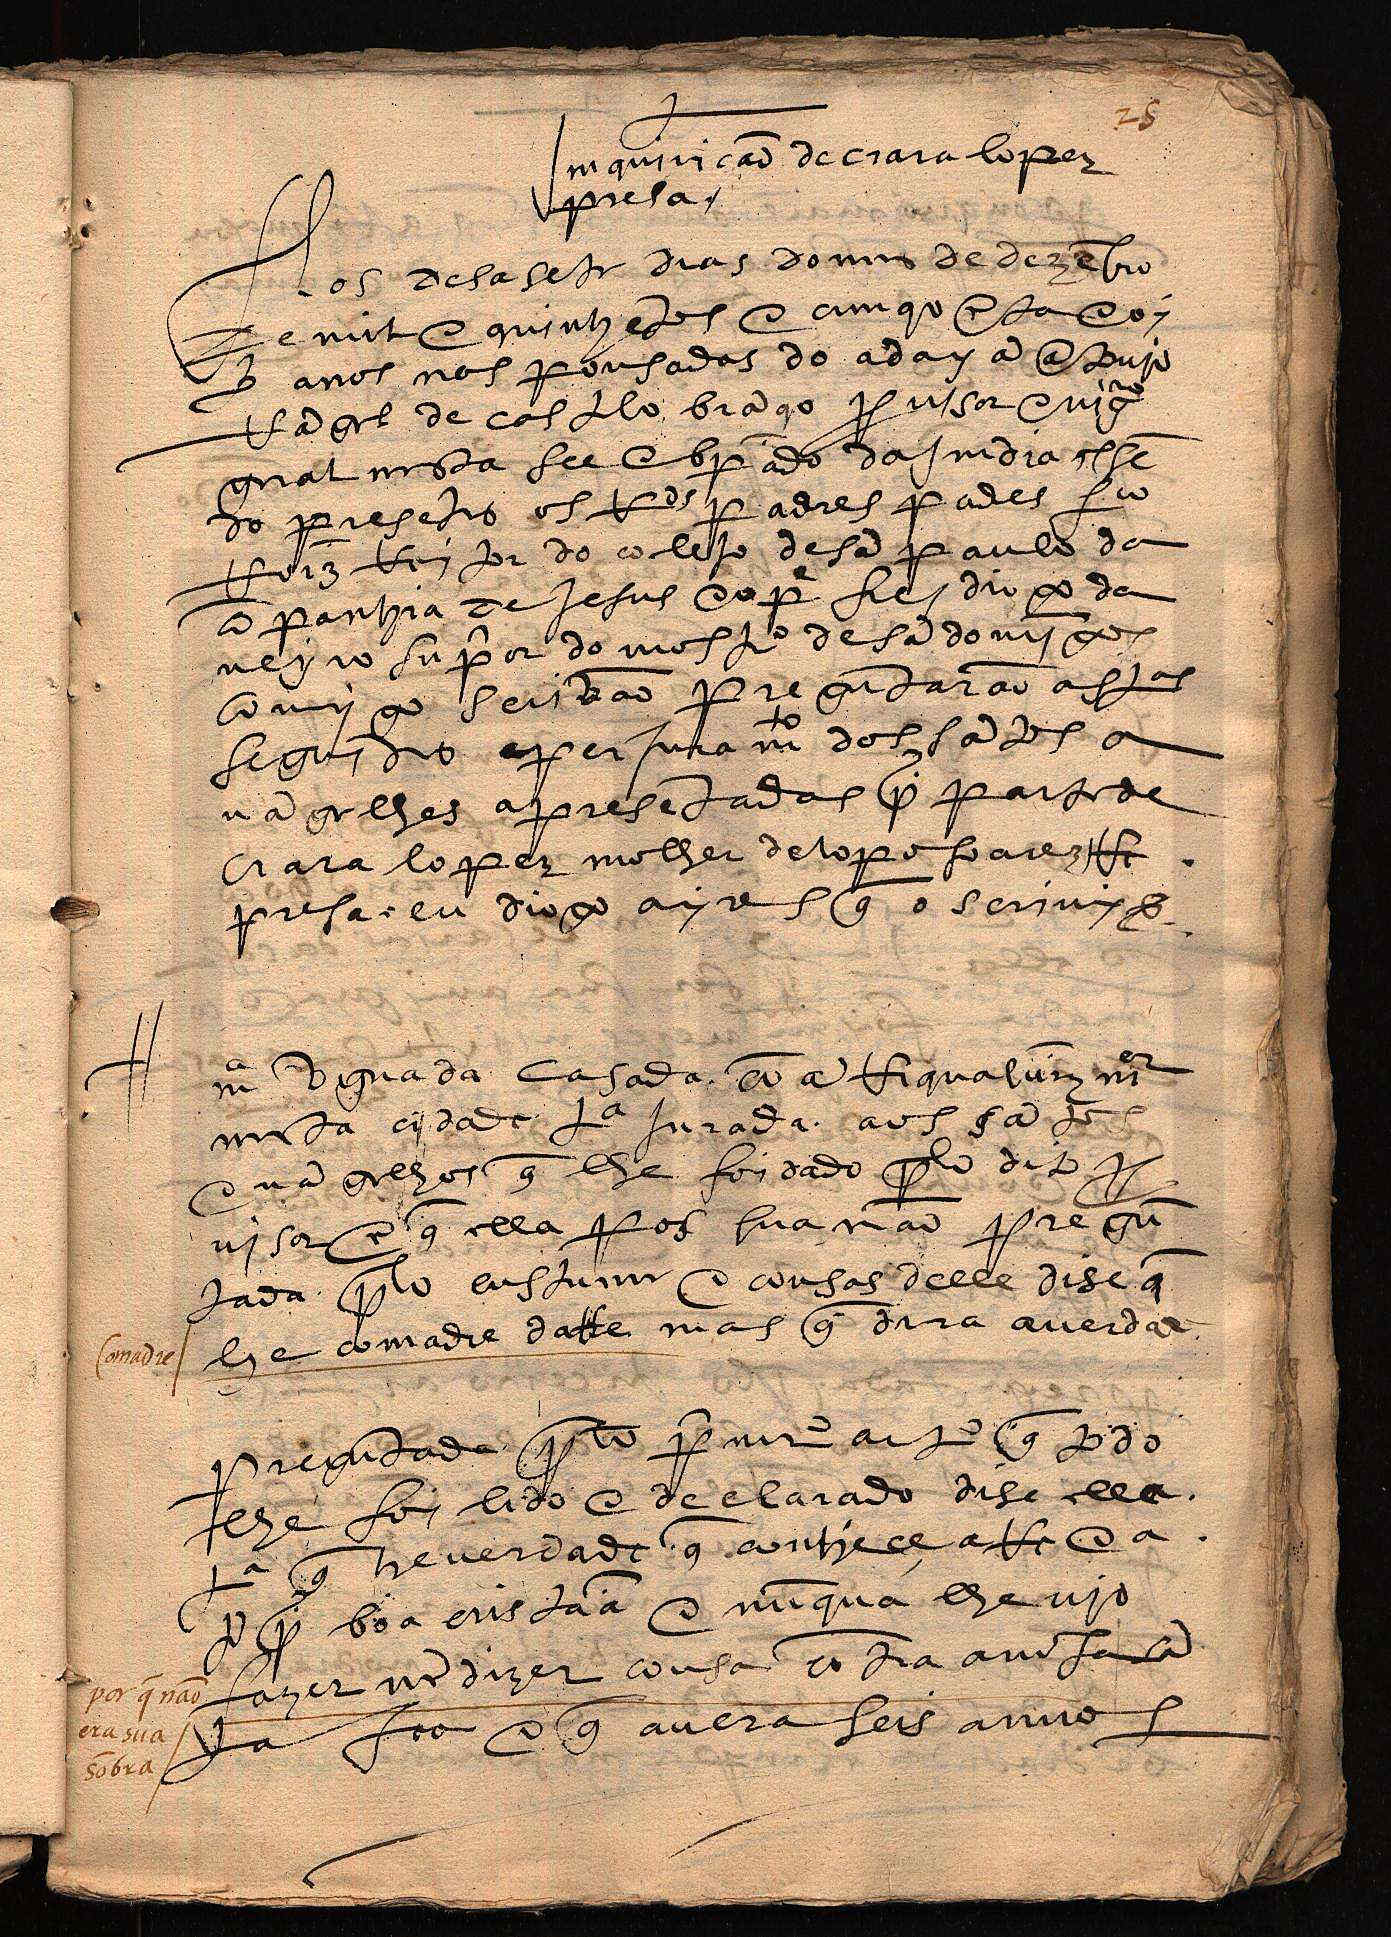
Jnquirição de crara lopez
presa ./
Aos desasete dias do mes de dezēbro
De mil e quinhētos e cimqoēta e oy
to anos nas pousadas do adayā ātonjo
Rāgel de castelo brāqo ꝓuisor e uigro
geraL nesta see e bpādo da Jmdia cꝭ sē
do presētes os Ros padres padres fco
Roiz Reytor do coleJo de sā paulo da
c̄opanhia de Jesus e o pe frej diogo da
ueyro sup̄or do mostro de sā domj̄gos
comygo scrivão pregūtarão as tas
seguj̄tes per Juramto dos sātos a
uāgelhos apresētadas p̄o parte de
crara lopez molher de lopo soares Re
presa e eu diogo ayres q̄ o scriuy
item ma Viguada Casada c̄o āRiqualūz mor
nesta cidade ta Jurada aos sātos
euāgelhos q̄ lhe foy dado p̄lo dito ꝓ
ujsor ē q̄ ella pos sua mão pregū
tada p̄lo custume e cousas delle dise q̄
he comadre da Re mas q̄ dira a uerdade
Comadre
Pregūtada p̄lo p̄mro arto q̄ todo
lhe foy lido e declarado dise ella
ta q̄ he uerdade q̄ conheçe a Re e a
tē p̄o boa cristaā e nūqua lhe ujo
fazer nē dizer cousa c̄otra a nosa sā
ta see e q̄ auera seis annos
porq̄ não
era sua
sōbra
